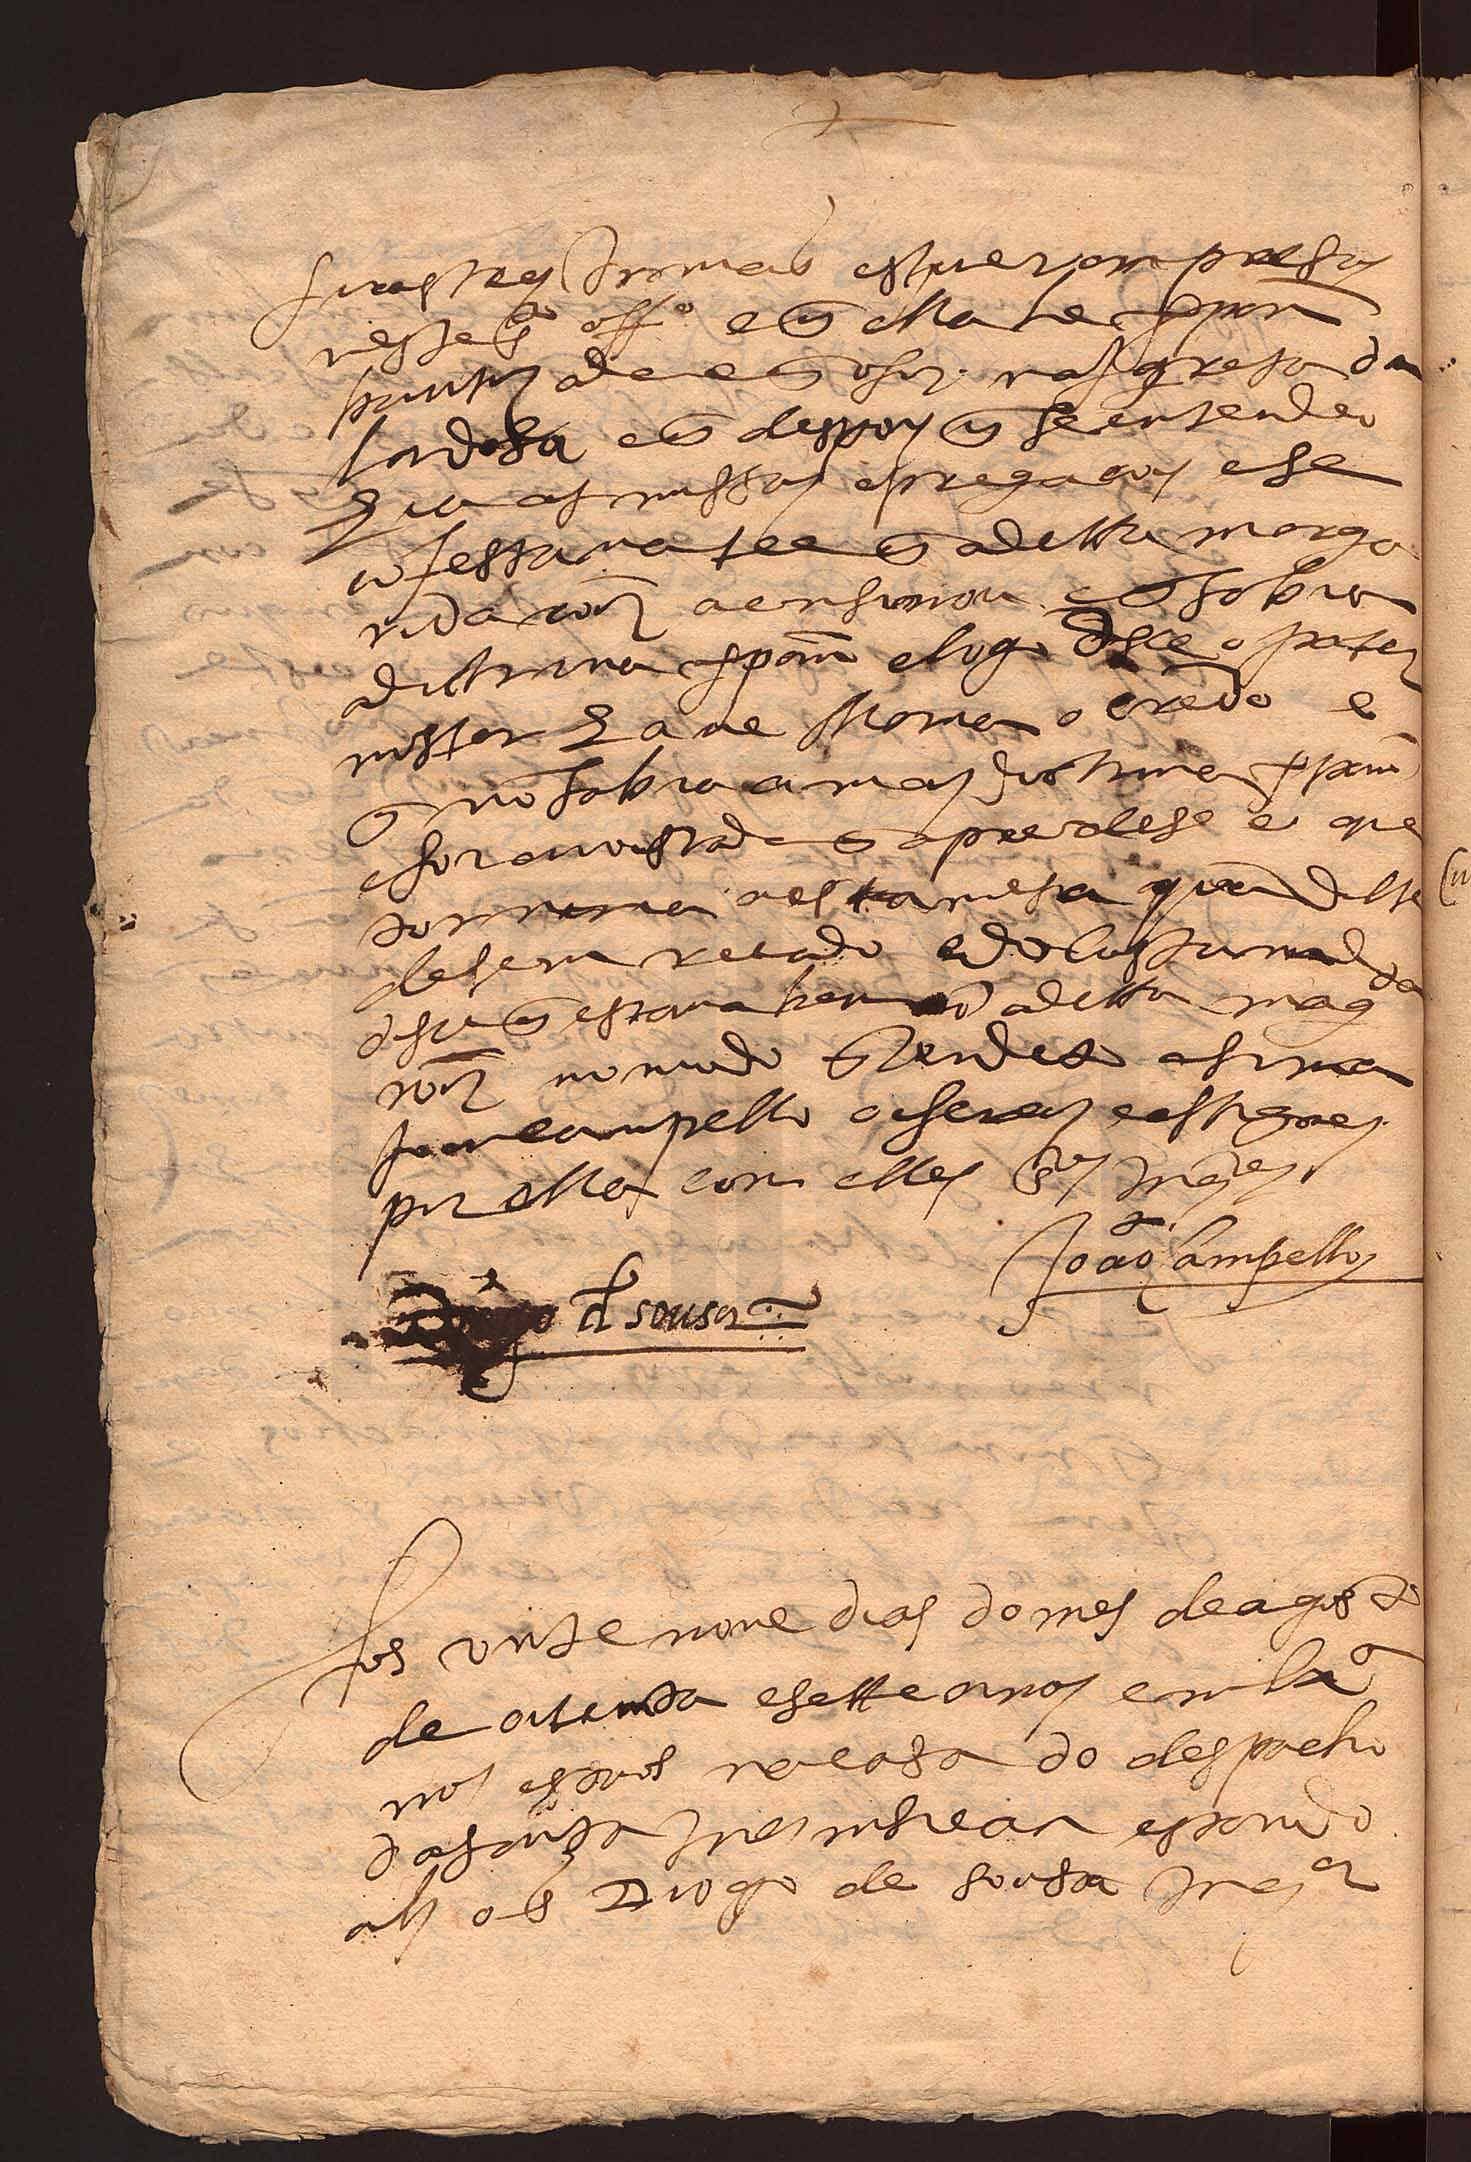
suas tres Irmas̄ estiueram presas
neste sto offo. e q̄ ella he xpam̄
bautizada e q̄ o foj na Jgreja da
Ladosa e q̄ despoy q̄ se entendeo
hia as missas e pregacoes e se
cōfessaua tee q̄ a ditta marga
rida roīz a ensinou. e q̄ sabia
a doctrina xpam̄ e logo disse o pater
noster E aue Maria o credo e
q̄ nō sabia a mais doctrina xpam̄
e foi amoestada q̄ apreedese e que
tornaria a esta mesa quādo lhe
desem recado e do custume
disse q̄ estaua bem cō a ditta magda
roīz no modo q̄ he dito asima
Joam campello o escreuj e assignej
por ella com elles Sres Jnqres
Joaõ Campello
d̄ sousa
Aos vinte noue dias do mes de agosto
de oitenta e sette anos en Lxa
nos estaos na casa do despacho
da santa Jnquisican estando
alj o s̄ Diogo de sousa Jnqor
